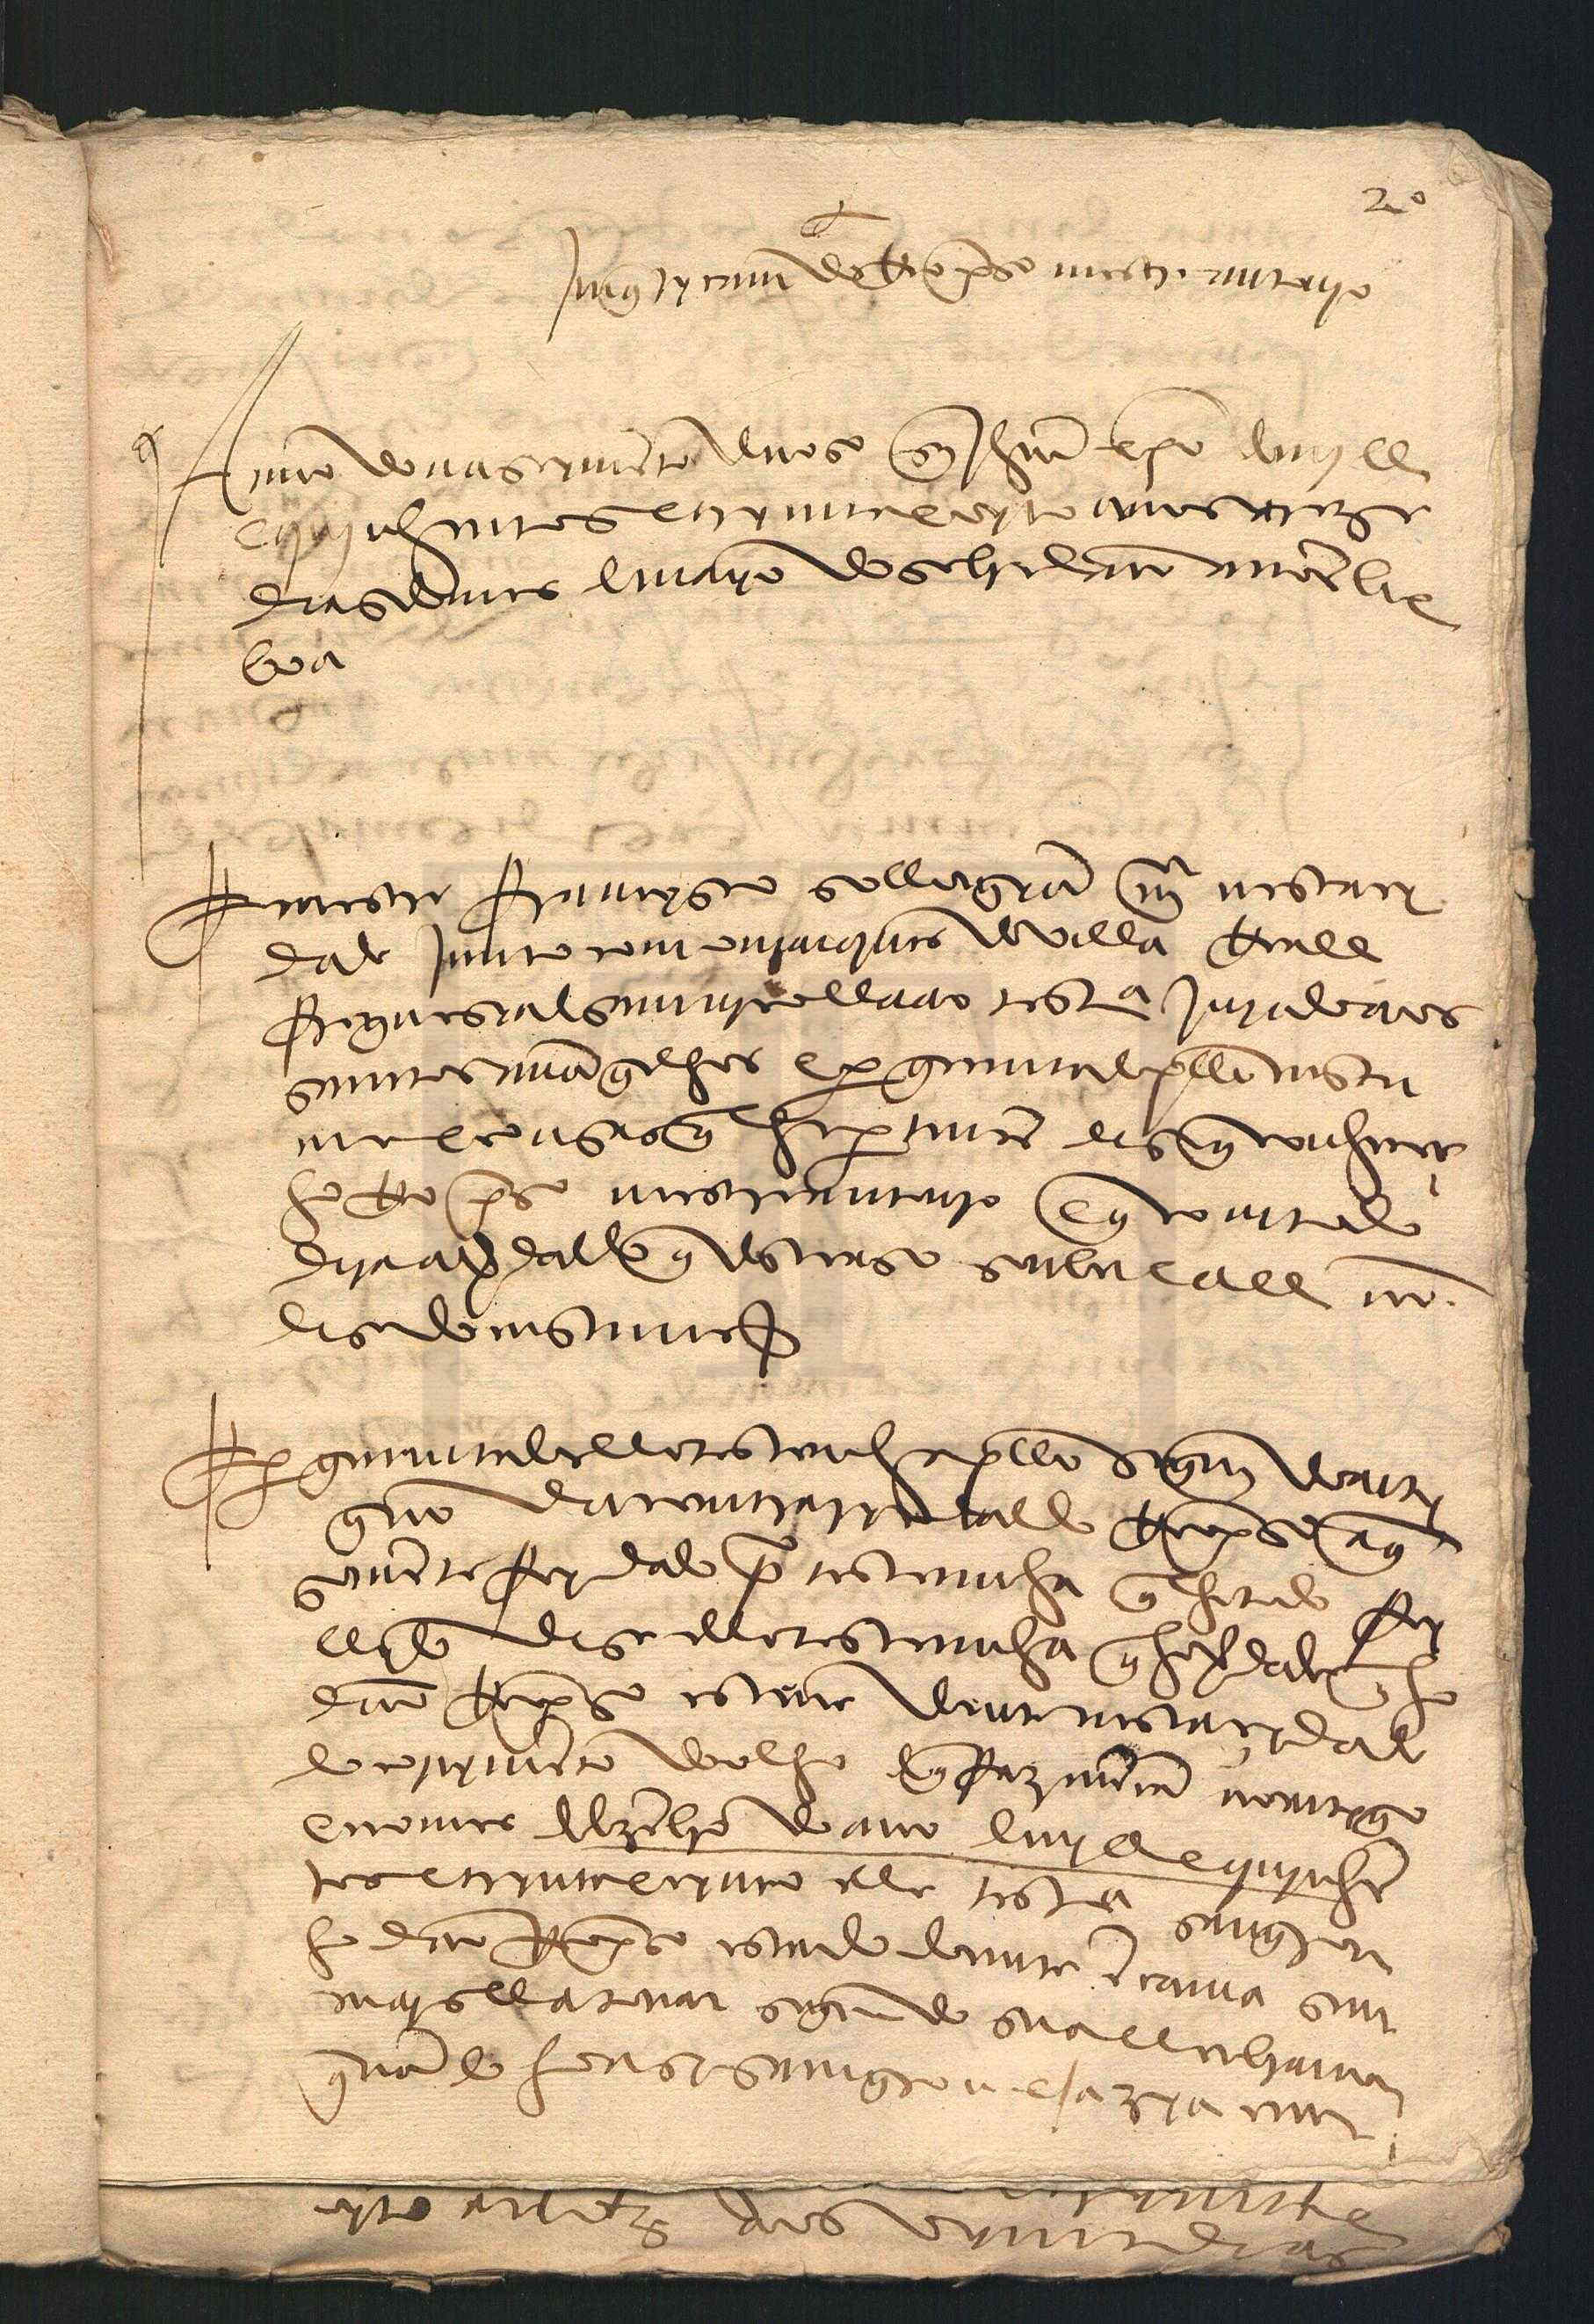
20
Jmq̄rycam do Reo p̄so mestre antonjo
Anno do nascymēto de noso s̄r Jhuū xp̄o de mjll
e qujnhentos e trymta e oyto anos treze
dias do mes de mayo do sobredit̄o ano ē lix
boa
item mestre francysco sollorgyā mor nesta cy
dade Junto com o marquēs de villa Reall
frequesya de sam njcollaao testa Jurado aos
samtos auāgelhos e ꝑgumtado pl̄lo custu
me e cousas q̄ lhe ꝑtencē dise q̄ conheçe
ho Reo p̄so mestre antonjo e q̄ comtodo
dira a ꝟdade do q̄ do seu caso souber e all n̄o
dise do custume
item ꝑguumtado elle testemunha p̄llo segūdo arty
guo da comtraryedade do Reo p̄so a q̄
somēte foy dado p̄o testemunha q̄ lhe todo foy
llydo dise elle testemunha q̄ he ꝟdade q̄ ho
dīto Reo p̄so esteue doente nesta çydade
do corrymēto do olho de q̄ faz mēcā no artygo
e no mes de dezēbro do ano de myll e qujnhē
tos e trynta e cynco elle testa sangrou
ho dīto Reo p̄so estando doemte ē cama sem
majs lla tornar segūndo sua llenbranca
q̄uādo ho asy samgrou e Jazya em
